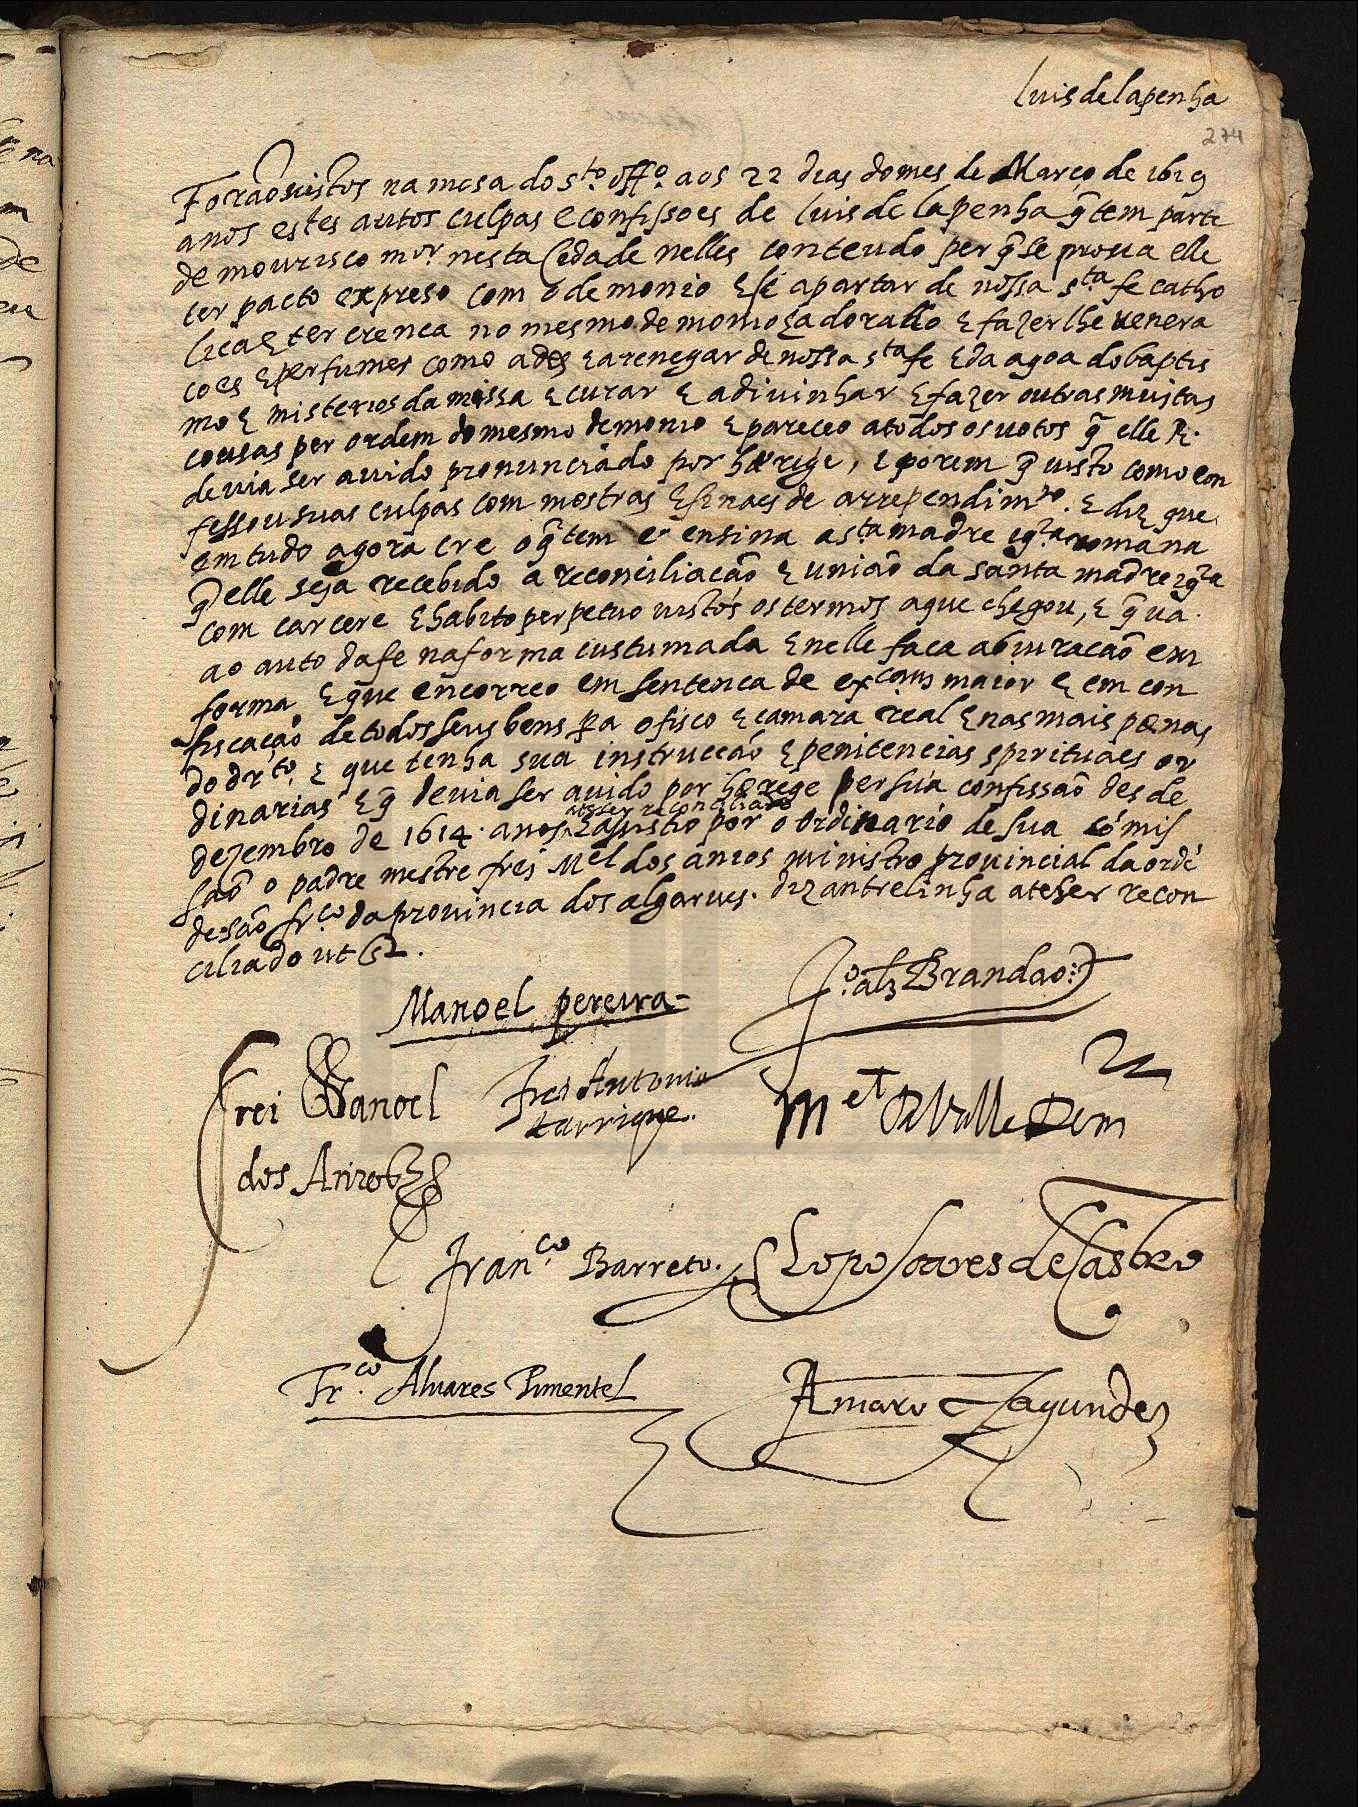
Luis de La penha
Foraõ vistos na mesa do s.to off.o aos 22 dias do mes de Março de 1619
anos estes autos culpas e confissoes de Luis de La penha q̄ tem parte
de mourisco m.or nesta Cidade nelles conteudo per q̄ se proua elle
ter pacto expreso com o demonio e se apartar de nossa s.ta fe catho
lica e ter crença no mesmo demonio e adorallo e fazerlhe uenera
çoes e perfumes como a des E a renegar de nossa s.ta fe e da agoa do baptis
mo e misterios da missa e curar e adiuinhar e fazer outras muitas
cousas per ordem do mesmo demonio e pareceo a todos os uotos q̄ elle R.
devia ser avido pronunciado por herege, e porem q̄ visto como con
fessou suas culpas com mostras e sinaes de arrependim.to e diz que
em tudo agora cre o q̄ tem e ensina a s.ta madre eg.ra romana na
q̄ elle seja recebido a reconciliação e uniaõ da santa madre ig.ra
com carcere e habito perpetuo vistos os termos a que chegou, e q̄ va
ao auto da fe na forma custumada e nelle faca abiuracaõ em
forma E que encorreo em Sentenca de ex.com maior e em con
fiscaçaõ de todos seus bens ꝑa o fisco e camara real e nas mais penas
do dirto. e que tenha sua instruccaõ e penitencias spirituaes or
dinarias E q̄ devia ser avido por herege per sua confissaõ desde
dezembro de 1614. anos
ate ser reconciliado
e assistio por o Ordinario de sua cómis
saõ o padre mestre frei Mel dos anios ministro prouincial da ordẽ
de saõ fr.co da provincia dos algarues. Diz antrelinha ate ser recon
ciliado ut s̄p
Manoel pereira
J.o alz̄ Brandaõ
Frei Manoel
dos Anios
Frei Antonio
Aarrique
Mel do Valle De mzs
fran.co Barreto.
Lopo Soares de Castro
Fr.co Aluares Pimentel
Amaro Fagundes
